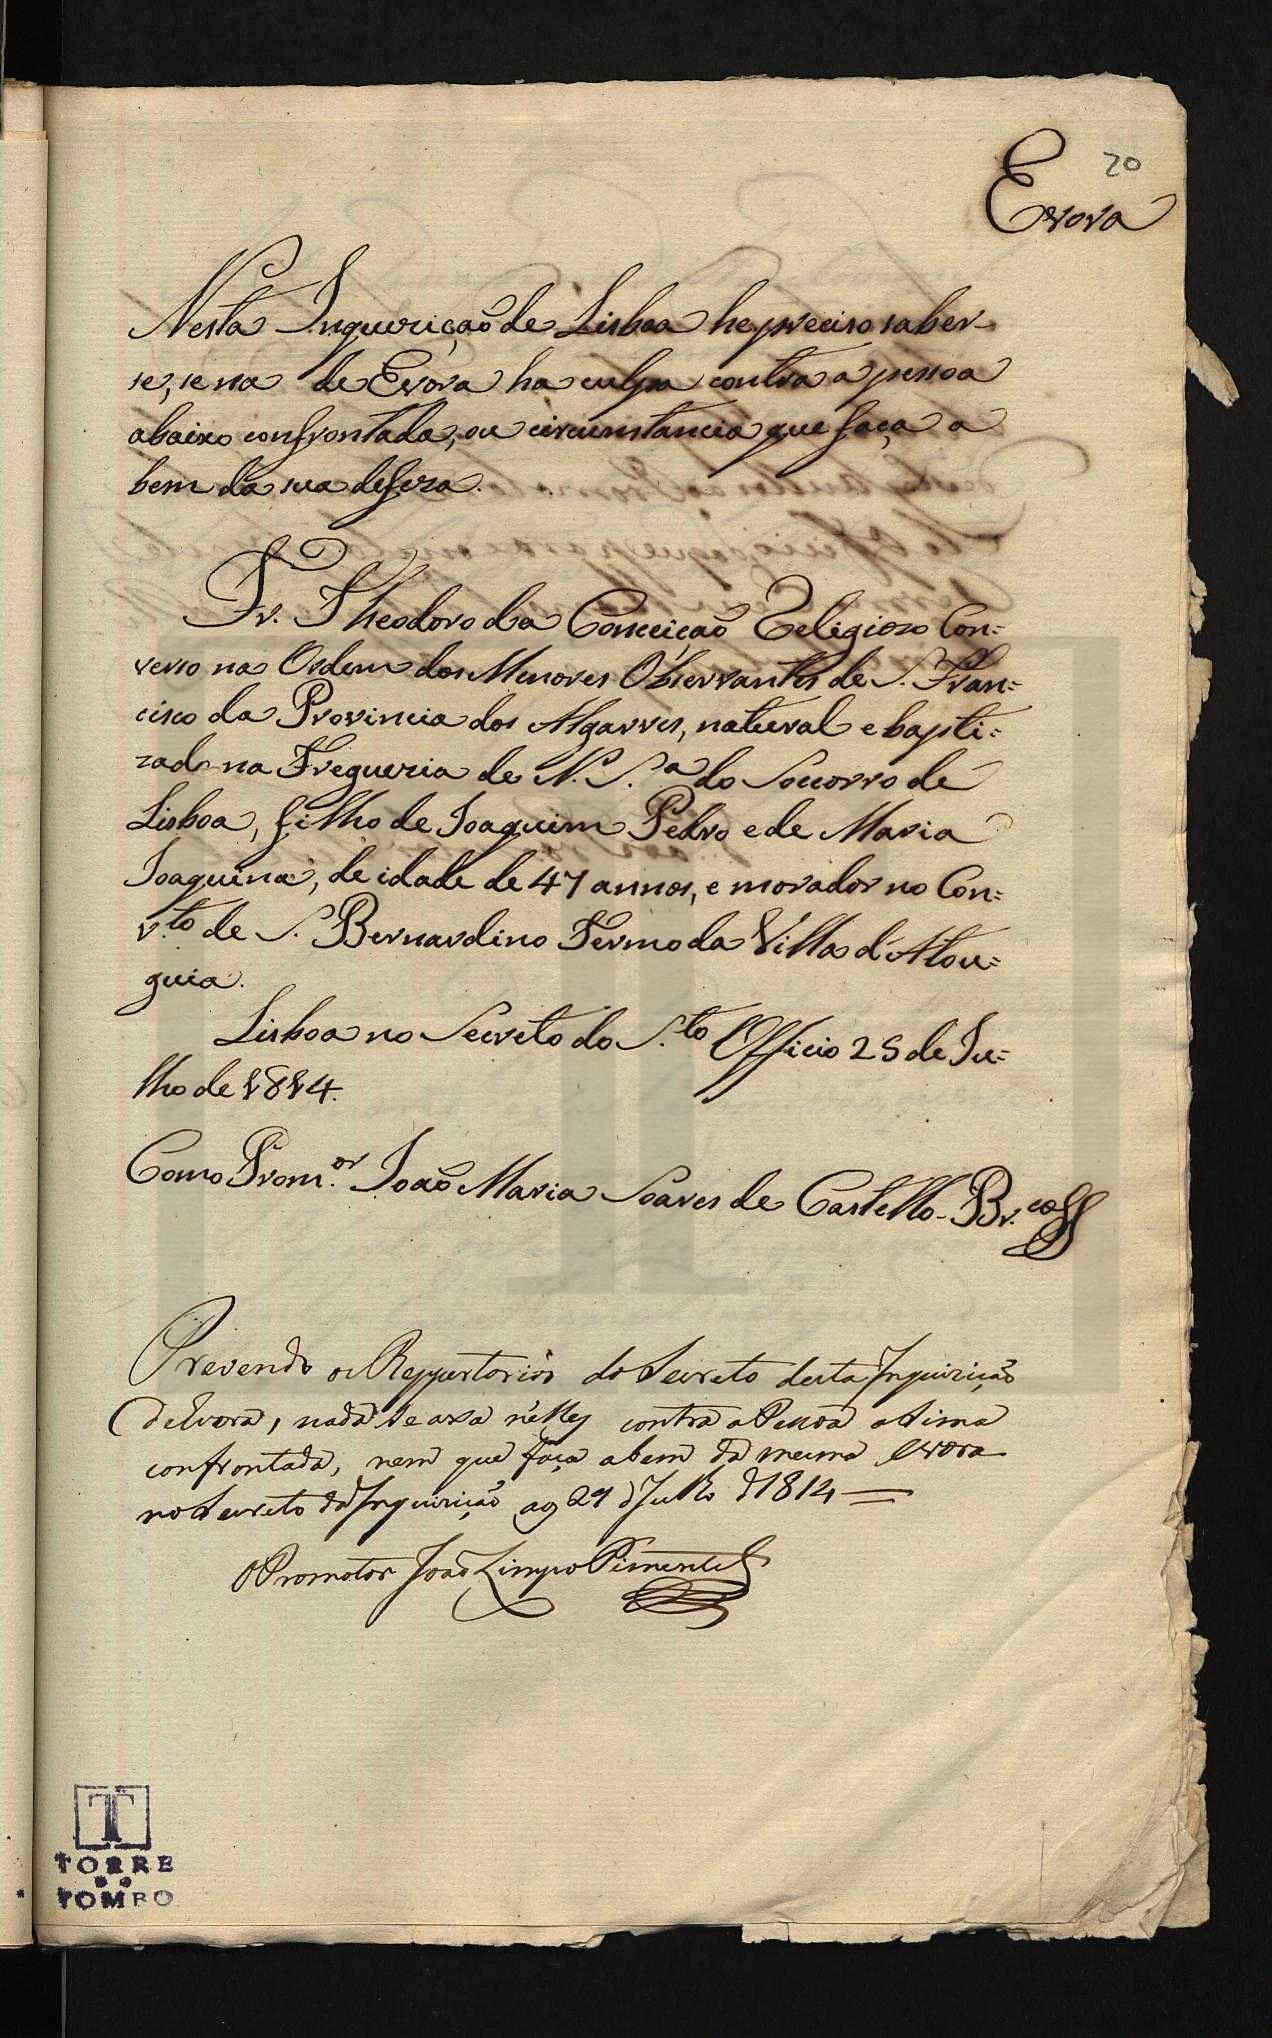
Evora
Nesta Inquiziçaõ de Lisboa he preciso saber
se, se na de Evora ha culpa contra a pessoa
abaixo confrontada, ou circunstancia que faça a
bem da sua defeza.
Fr. Theodoro da Conceiçaõ Religiozo Con
verso na Ordem dos Menores Observantes de S. Fran
cisco da Provincia dos Algarves, natural e bapti
zado na Freguezia de N. S.a do Socorro de
Lisboa, filho de Ioaquim Pedro, e de Maria
Ioaquina, de idade de 47 annos, e morador no Con
v.to de S. Bernardino Termo da Villa d'Atou
guia.
Lisboa no Secreto do S.to Officio 25 de Iu
lho de 1814.
Como Prom.or Ioaõ Maria Soares de Castello-Br.co
Prevendo os Reppertorios do Secreto desta Jnquiziçaõ
de Evora, nada se axa n'elles contra a Pessoa asima
confrontada, nem que faça a bem da mesma Evora
no Secreto da Jnquiziçaõ aos 29 d Julho d̄ 1814
O Promotor Joaõ Limpo Pimentel
